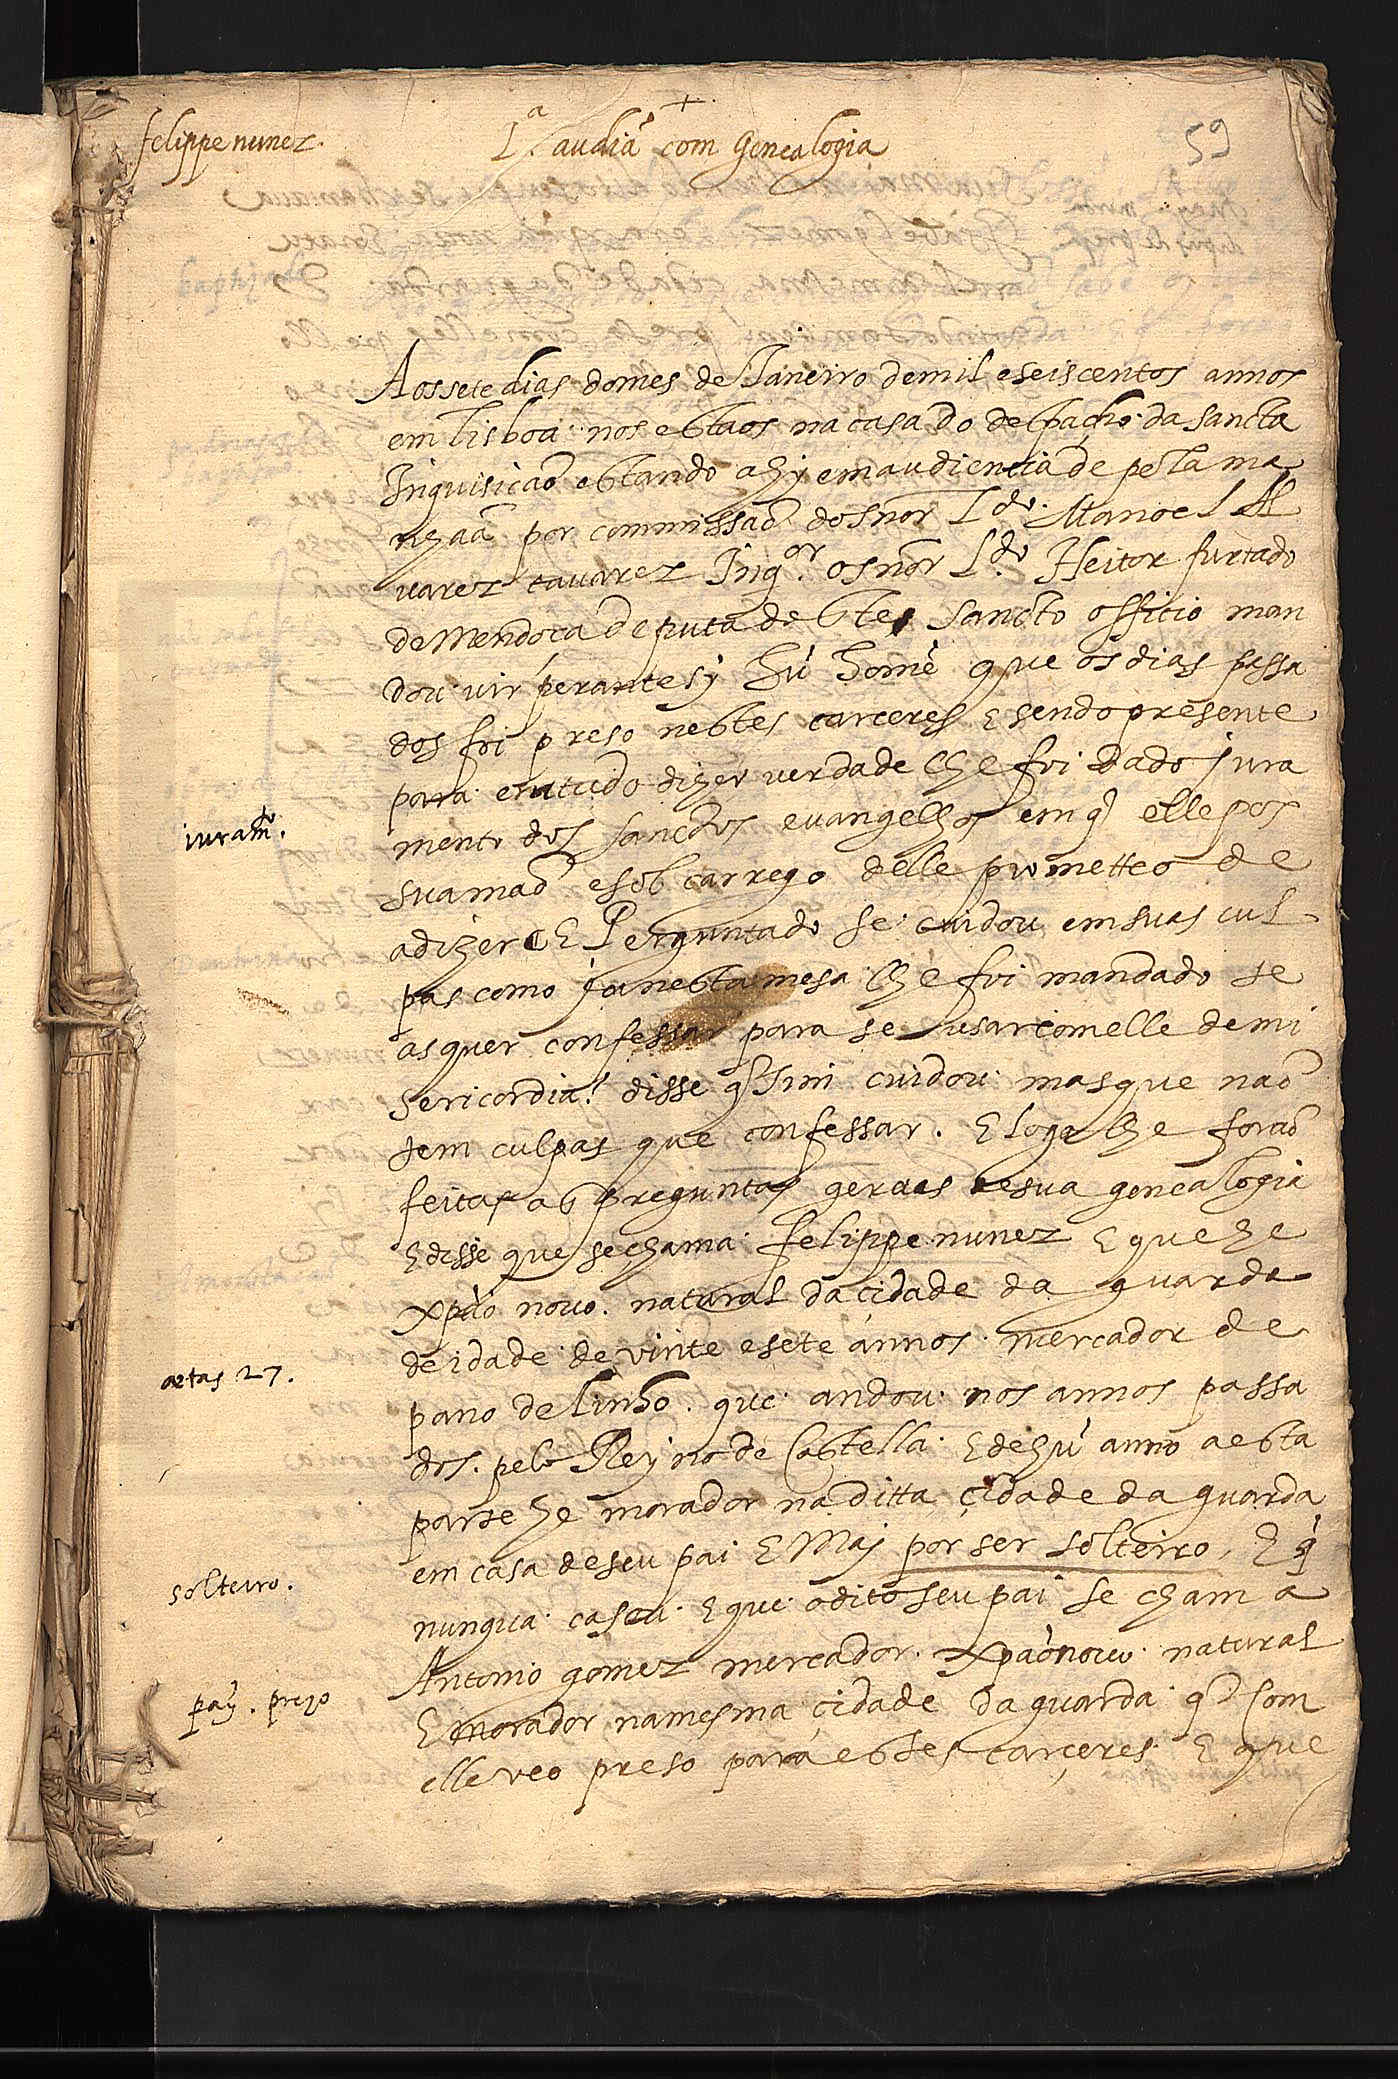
1.a audiā com Genealogia
Aos sete dias do mes de Ianeiro de mil e seiscentos annos
em lisboa nos estaos na casa do despaçho da sancta
Inquisicaõ estando ahy em audiencia de pela ma
nhaā por commissaõ do sn̄or Ldo. Manoel Al
uarez tauarez Inq.or o snōr L.do Heitor furtado
de Mendoça deputado deste_ Sancto officio man
dou uir perante sy hū homē que os dias passa
dos foi preso nestes carceres E sendo presente
para em tudo dizer uerdade lhe foi dado jura
mento dos Sanctos euangelhos em q̄ elle pos
sua maõ e sob carrego delle prometteo de
a dizer ¶ E Perguntado se cuidou em suas cuL
pas como ja nesta mesa lhe foi mandado se
as quer confessar para se usar com elle de mi
sericordia? disse que sim cuidou mas que naõ
tem culpas que confessar. E logo lhe foraõ
feitas as preguntas geraes de sua genealogia
E disse que se çhama felippe nunez E que he
xpão nouo. natural da çidade da guarda
de idade de vinte e sete annos. mercador de
pano de linho. que andou nos annos passa
dos. pelo Reyno de Castella. E de hū anno a esta
parte he morador na ditta çidade da guarda
em casa de seu pai E Maj por ser solteiro E q̄
nunqua casou E que o dito seu pai se chama
Antonio gomez mercador, Xpaõ nouo. natural
E morador na mesma çidade da guarda q̄ Com
elle veo preso para estes carçeres. E que
